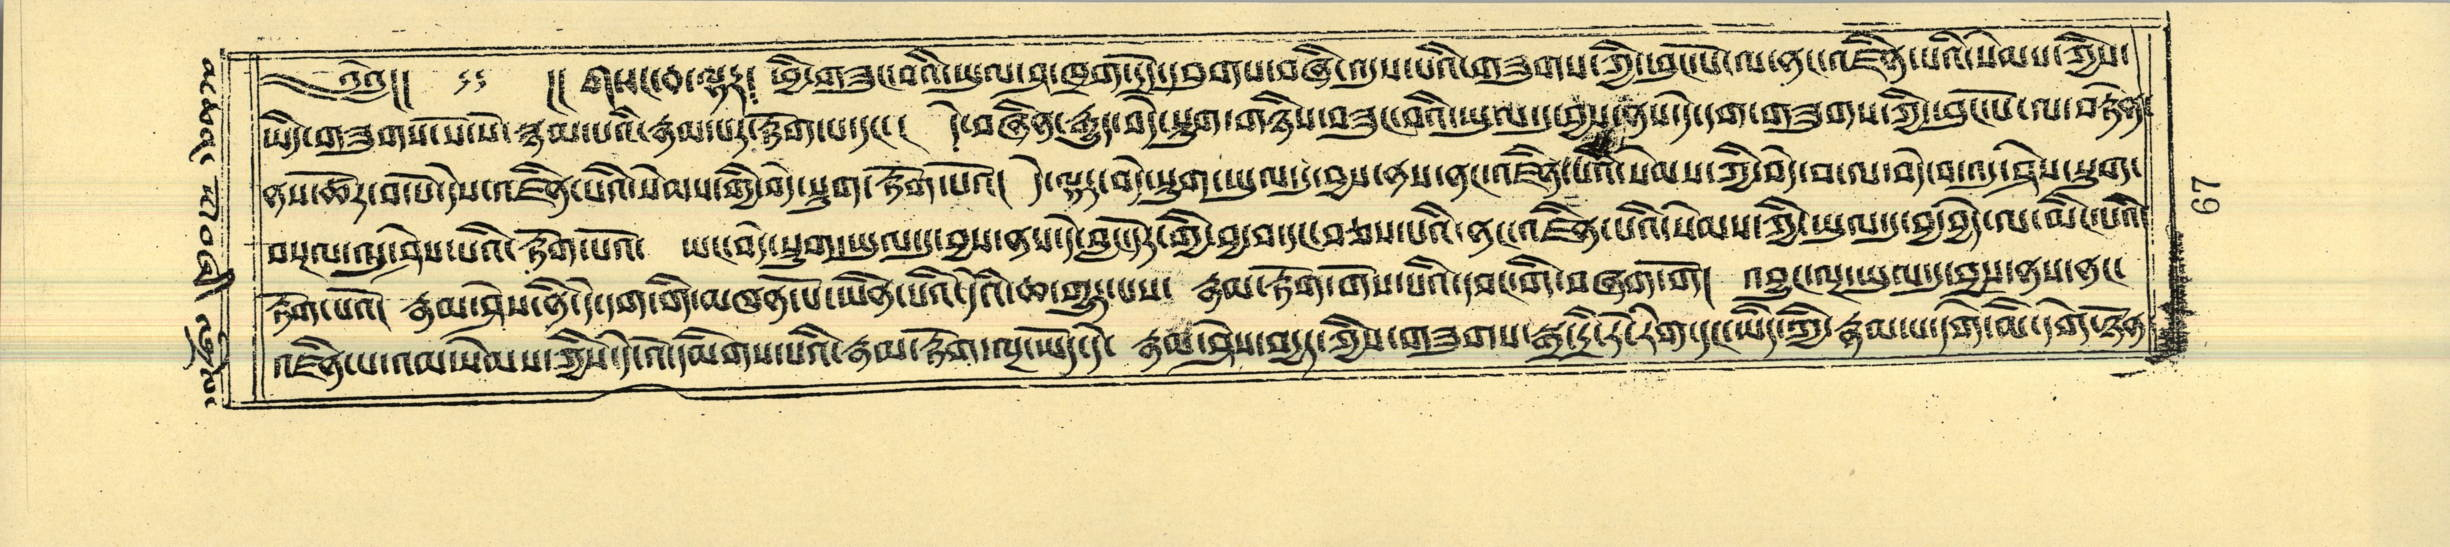གསང་བ་ལྟར་ ཕྱི་གཟུང་བའི་ཡུལ་ཤ་ཁྲག་དྲོད་དབུགས་བཞི་འདུས་པའི་གཟུགས་ཀྱི་ཕུང་པོ་ལ་ནང་འཛིན་པའི་སེམས་ཀྱིས་
ཡིད་གཟུགས་སོ་སོ་སྙམ་པའི་རྣམ་པར་རྟོག་པ་དང་། དེ་བཞིན་རྒྱུད་བདེ་སྡུག་གཉིས་གཟུང་བའི་ཡུལ་དུ་བྱས་ནས་དེ་དག་གཟུགས་ཀྱི་ཕུང་པོ་ལ་བརྟེན་
ནས་ཚོར་བ་པོ་དེས་འཛིན་པའི་སེམས་ཀྱི་བདེ་སྡུག་རྟོག་པའོ། དེ་ལྟར་བདེ་སྡུག་ཡུལ་དུ་བྱས་ནས་ནང་འཛིན་པའི་སེམས་ཀྱི་བདེ་བ་ལ་བདེ་བར་འདུ་ཤེས་སྡུག་
བསྔལ་ལ་སྡུག་བསྔལ་འདུ་ཤེས་པའི་རྟོག་པའོ། ཡང་བདེ་སྡུག་ཡུལ་དུ་བྱས་ནས་དེ་བླང་དོར་གྱི་བྱ་བ་དང་བཅས་པའི་ནང་འཛིན་པའི་སེམས་ཀྱི་ཡུལ་དུ་བྱ་བྱེད་ལ་མིང་པའི་
རྟོག་པའོ། རྣམ་ཤེས་ནི་དེ་དག་གི་མཁན་པོ་ཡིན་པའི་དེའི་ཆ་གྱུར་པས་ རྣམ་རྟོག་གོས་པའི་དབང་གིས་བཞག་གོ འབྱུང་ལྔ་ཡུལ་དུ་བྱས་ནས་ནང་
འཛིན་པའམ་སེམས་ཀྱིས་དེའོ་དམིགས་པའི་རྣམ་རྟོག་ལྔ་ཡོད་དེ། རྣམ་ཤེས་བརྒྱད་ཀྱིས་གཟུགས་སྒྲ་དྲི་རོ་རེག་དང་ཡིད་ཀྱི་རྣམ་པ་དགེ་མི་དགེ་ཉོན་